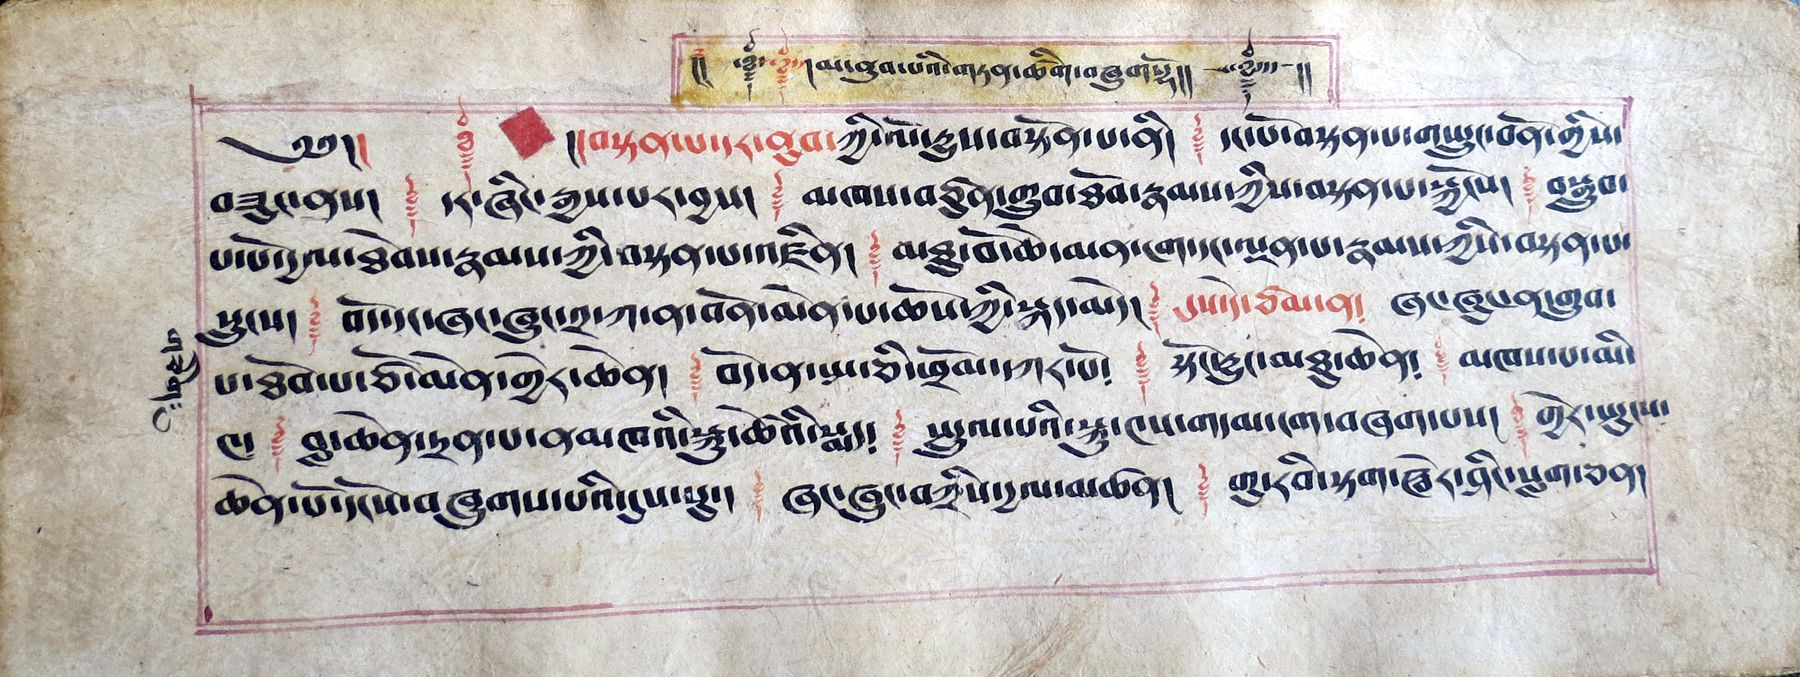༄༅། ། ། ། བསྟན་པ་དར་ནུབ་ཀྱི་ལོ་རྒྱུས་བསྟན་པ་ནི། དང་པོ་བསྟན་པ་གཡུང་དྲུང་བོན་གྱིས་
བཟུང་ནས་དར་ཞིང་རྒྱས་པར་བྱས། མཁས་བཙུན་གྲུབ་པ་ཐོབ་པ་རྣམས་ཀྱིས་བསྟན་པ་བསྐྱངས། སྒྲུབ་
པ་པོ་རྒྱལ་ཐེབས་རྣམས་ཀྱིས་བསྟན་པ་འཛིན། མཐུ་བོ་ཆེ་མན་ངག་དང་ལྡན་པ་རྣམས་ཀྱིས་བསྟན་པ་
བསྲུང་། བོད་དང་ཞང་ཞུང་གཉིས་ཀ་ན་བོན་མ་ཡིན་པ་ཆོས་ཀྱི་སྐད་མེད། དུས་དེ་ཙམ་ན་ཞང་ཞུང་ན་གྲུབ་
ཐོབ་ཙོ་མེན་གྱེར་ཆེན་དང་། བོད་ན་སྤ་ཇི་ཕྲོམ་དཀར་པོ། སྟོང་རྒྱུང་མཐུ་ཆེན། མཁས་པ་མི་
བཞི། བླ་ཆེན་དྲན་པ་ནམ་མཁའི་སྐུ་ཚེའི་སྨད། སྤྲུལ་པའི་སྐུ་བཞི་ནི། གདམ་ངག་བཞག་པས། གྱེར་སྤུངས་
ཆེན་པོ་དངོས་བཞུགས་པའི་དུས་སུ། ཞང་ཞུང་བཀྲ་ཤིས་རྒྱལ་མཚན། གུ་རུབ་སྟག་ཝེར་ཤིང་སླགས་ཅན།